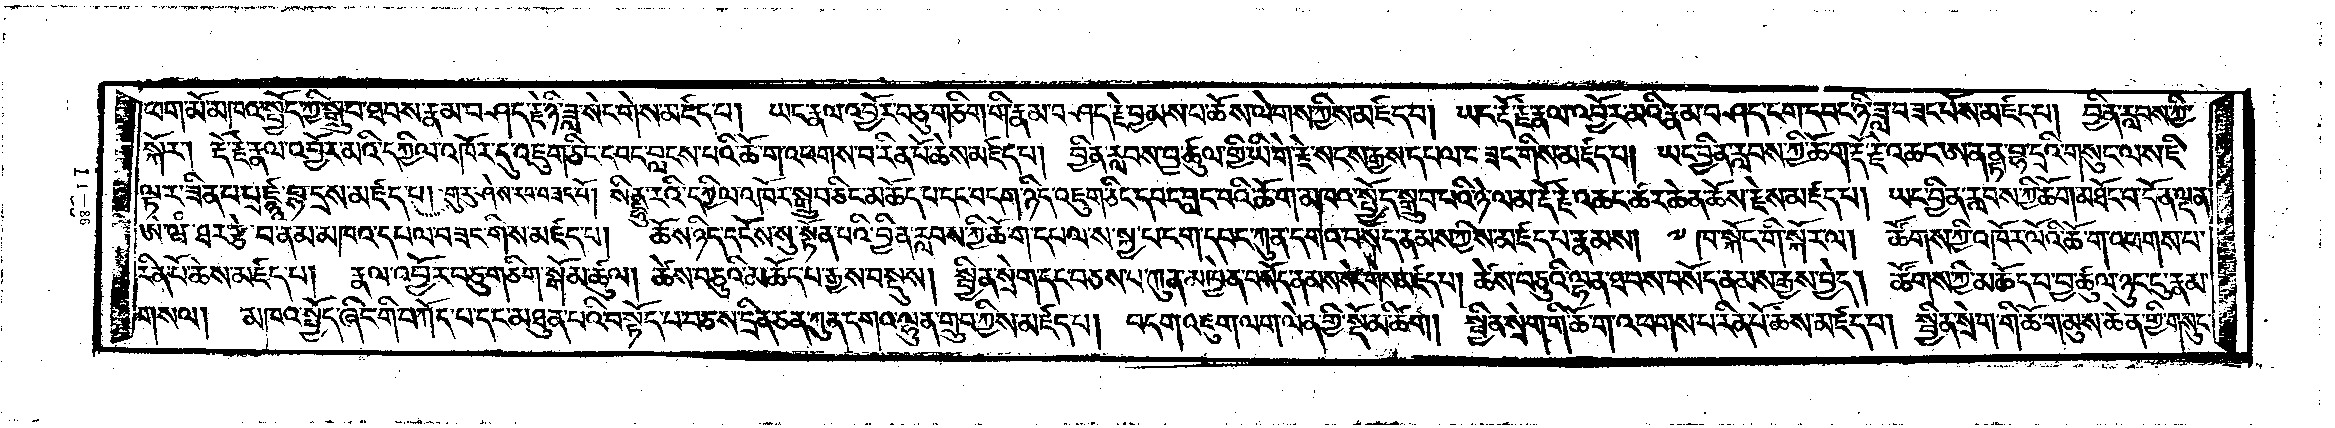ཕག་མོ་མཁའ་སྤྱོད་ཀྱི་སྒྲུབ་ཐབས་རྣམ་བཤད་རྗེ་ཉི་ཟླ་སེང་གེས་མཛད་པ། ཡང་རྣལ་འབྱོར་བཅུ་གཅིག་གི་རྣམ་བཤད་རྗེ་བྱམས་པ་ཆོས་ལེགས་ཀྱིས་མཛད་པ། ཡང་རྡོ་རྗེ་རྣལ་འབྱོར་མའི་རྣམ་བཤད་ངག་དབང་ཉི་ཟླ་བཟང་པོས་མཛད་པ། བྱིན་རླབས་ཀྱི་
སྐོར། རྡོ་རྗེ་རྣལ་འབྱོར་མའི་དཀྱིལ་འཁོར་དུ་འཇུག་ཅིང་དབང་བླངས་པའི་ཆོ་ག་འཕགས་པ་རིན་པོ་ཆེས་མཛད་པ། བྱིན་རླབས་བྱ་ཚུལ་གྱི་ཡི་གེ་རྗེ་སངས་རྒྱས་དཔལ་བཟང་གིས་མཛད་པ། ཡང་བྱིན་རླབས་ཀྱི་ཆོ་ག་རྡོ་རྗེ་འཆང་ཨ་ནནྟ་བྷ་དྲའི་གསུངས་ལས་ཇི་
ལྟར་ཟིན་པ་པྲཛྙཱ་དྲས་མཛད་གུ་རུ་ཤེས་རབ་བཟང་པོ། སིནྡྷུ་རའི་དཀྱིལ་འཁོར་སྒྲུབ་ཅིང་མཆོད་པ་དང་བདག་ཉིད་འཇུག་ཅིང་དབང་བླང་བའི་ཆོ་ག་མཁའ་སྤྱོད་སྒྲུབ་པའི་ཉེ་ལམ་རྡོ་རྗེ་འཆང་ཚར་ཆེན་ཆོས་རྗེས་མཛད་པ། ཡང་བྱིན་རླབས་ཀྱི་ཆོག་མཐོང་བ་དོན་ལྡན་
ཨེལྭ྾་ཐར་རྩེ་བ་ནམ་མཁའ་དཔལ་བཟང་གིས་མཛད་པ། ཆོས་ཉིད་དངོས་སུ་སྟོན་པའི་བྱིན་རླབས་ཀྱི་ཆོག་དཔལས་པ་སྐྱ་པ་ངག་དབང་ཀུན་དགའ་བསོད་ནམས་ཀྱིས་མཛད་པ་རྣམས། ༧་ཁ་སྐོང་གི་སྐོར་ལ། ཚོགས་ཀྱི་འཁོར་ལོའི་ཆོག་འཕགས་པ་
རིན་པོ་ཆེས་མཛད་པ། རྣལ་འབྱོར་བཅུག་ཅིག་སྒོམ་ཚུལ། ཚེས་བཅུའི་མཆོད་པ་རྒྱས་བསྡུས། སྦྱིན་སྲེག་དང་བཅས་པ་ཀུན་མཁྱེན་བསོད་ནམས་སེང་གེས་མཛད་པ། ཚེས་བཅུའི་ལྷན་ཐབས་བསོད་ནམས་རྒྱས་བྱེད། ཚོགས་ཀྱི་མཆོད་པ་བྱ་ཚུལ་ཉུང་དུ་རྣམ་
གསལ། མཁའ་སྤྱོད་ཞིང་གི་བཀོད་པ་དང་མཐུན་པའི་བསྟོད་པ་བཅས་དྲིན་ཅན་ཀུན་དགའ་ལྷུན་གྲུབ་ཀྱིས་མཛད་པ། བདག་འཇུག་ལག་ལེན་གྱི་སྡོམ་ཚིག། སྦྱིན་སྲེག་གི་ཆོ་ག་འཕགས་པ་རིན་པོ་ཆེས་མཛད་པ། སྦྱིན་སྲེག་གི་ཆོ་ག་མུས་ཆེན་གྱི་གསུང་